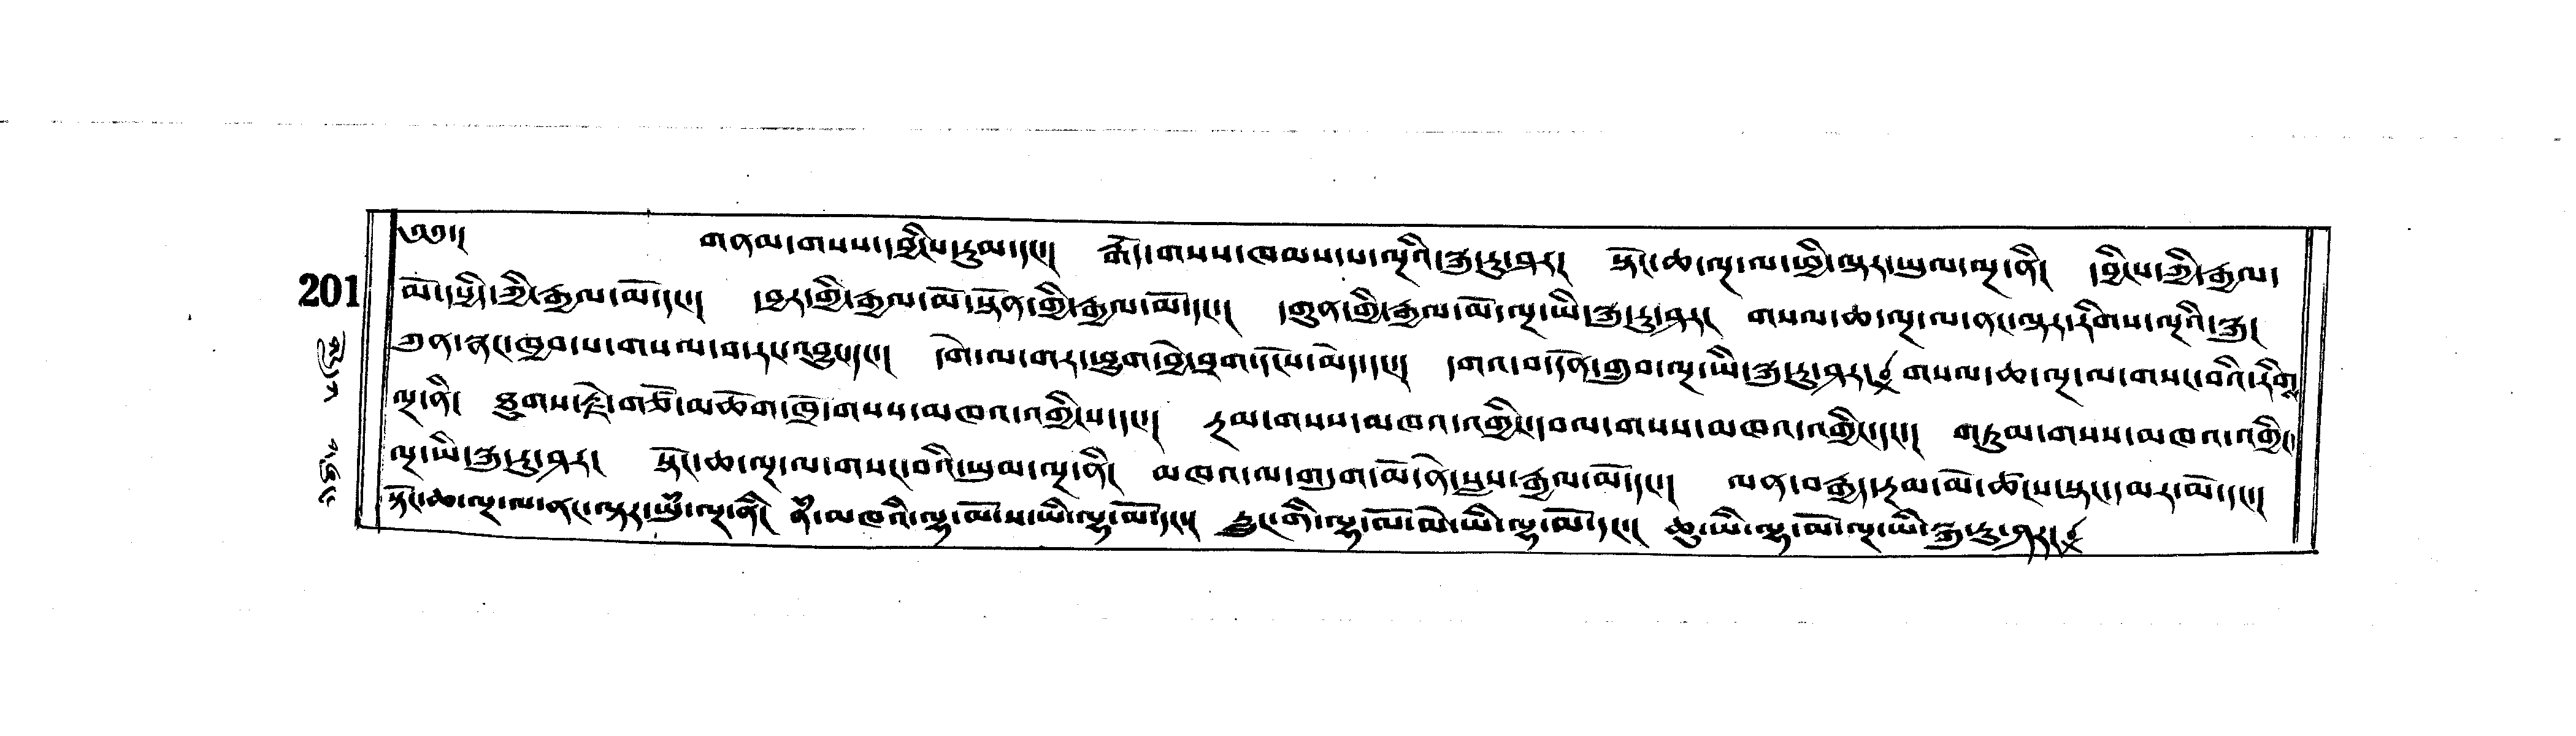གནམ་གསས་དབྱིངས་རུམ་དང་། རྒོད་གསས་ཁམས་པ་ལྔ་ཡི་སྐུ་རུ་ཤར། སྟོང་ཆ་ལྔ་ལ་ཕྱི་ལྟར་ཡུལ་ལྔ་ནི། དབྱིངས་ཀྱི་རྒྱལ་
མོ་དཔྱིད་ཀྱི་རྒྱལ་མོ་དང་། དབྱར་གྱི་རྒྱལ་མོ་སྟོན་གྱི་རྒྱལ་མོ་དང་། དགུན་གྱི་རྒྱལ་མོ་ལྔ་ཡི་སྐུ་རུ་ཤར། གསལ་ལྔ་ལྔ་ལ་ནང་ལྟར་རིགས་ལྔའི་སྐུ། 
ཀུན་སྣང་ཁྱབ་པ་གསལ་བ་རང་འབྱུང་དང་། དགེ་ལྷ་གར་ཕྱུག་བྱེ་བྲག་དངོས་མེད་དང་། དགའ་བ་དོན་གྲུབ་ལྔ་ཡི་སྐུ་རུ་ཤར། སྟོང་ཆ་ལྔ་ལ་ནང་ལྟར་ཡུམ་ལྔ་ནི། 
ནམ་མཁའི་ལྷ་མོ་ས་ཡི་ལྷ་མོ་དང་། རླུང་གི་ལྷ་མོ་མེ་ཡི་ལྷ་མོ་དང་། ཆུ་ཡི་ལྷ་མོ་ལྔ་ཡི་སྐུ་རུ་ཤར། གསལ་ཆ་ལྔ་ལ་གསང་བའི་རིགས་
ལྔ་ནི། ཐུགས་རྗེ་གཙོ་མཆོག་ཁྲོ་གས་མཁའ་འགྱིང་དང་། རྔམ་གསས་མཁའ་འགྱིང་དབལ་གསས་མཁའ་འགྱིང་དང་། གཏུམ་གསས་མཁའ་འགྱིང་
ལྔ་ཡི་སྐུ་རུ་ཤར། སྟོང་ཆ་ལྔ་ལ་གསང་བའི་ཡུམ་ལྔ་ནི། མཁའ་ལ་གདུག་མོ་ནེ་སླས་རྒྱལ་མོ་དང་། ལན་བརྒྱད་རྔམ་མོ་ཚང་སྟངས་དམར་མོ་དང་།